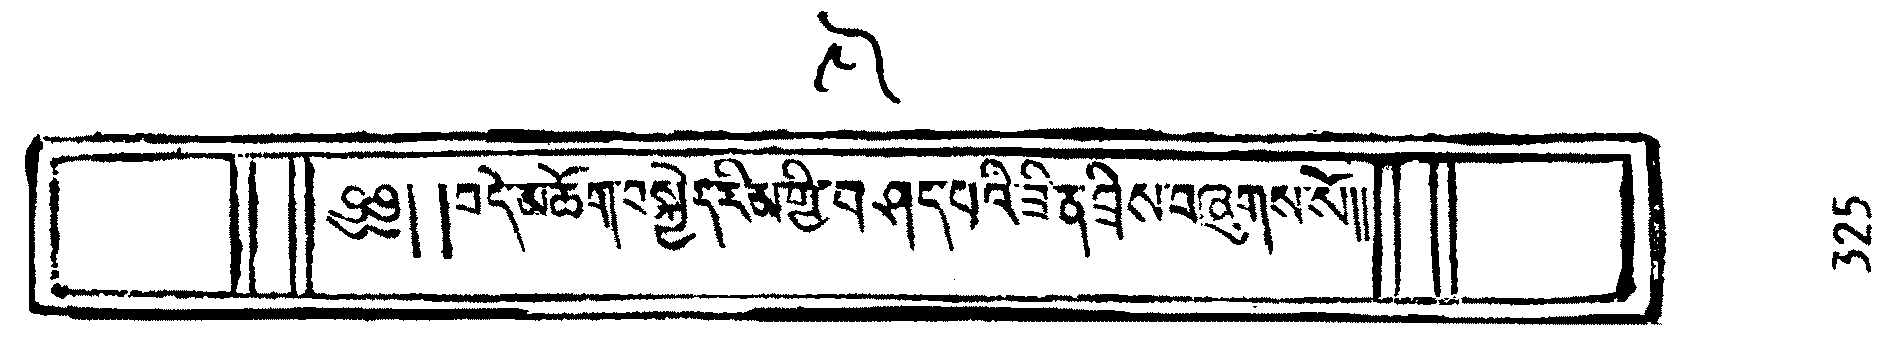༩?
༄༅། །བདེ་མཆོག་བསྐྱེད་རིམ་གྱི་བཤད་པའི་ཟིན་བྲིས་བཞུགས་སོ།།